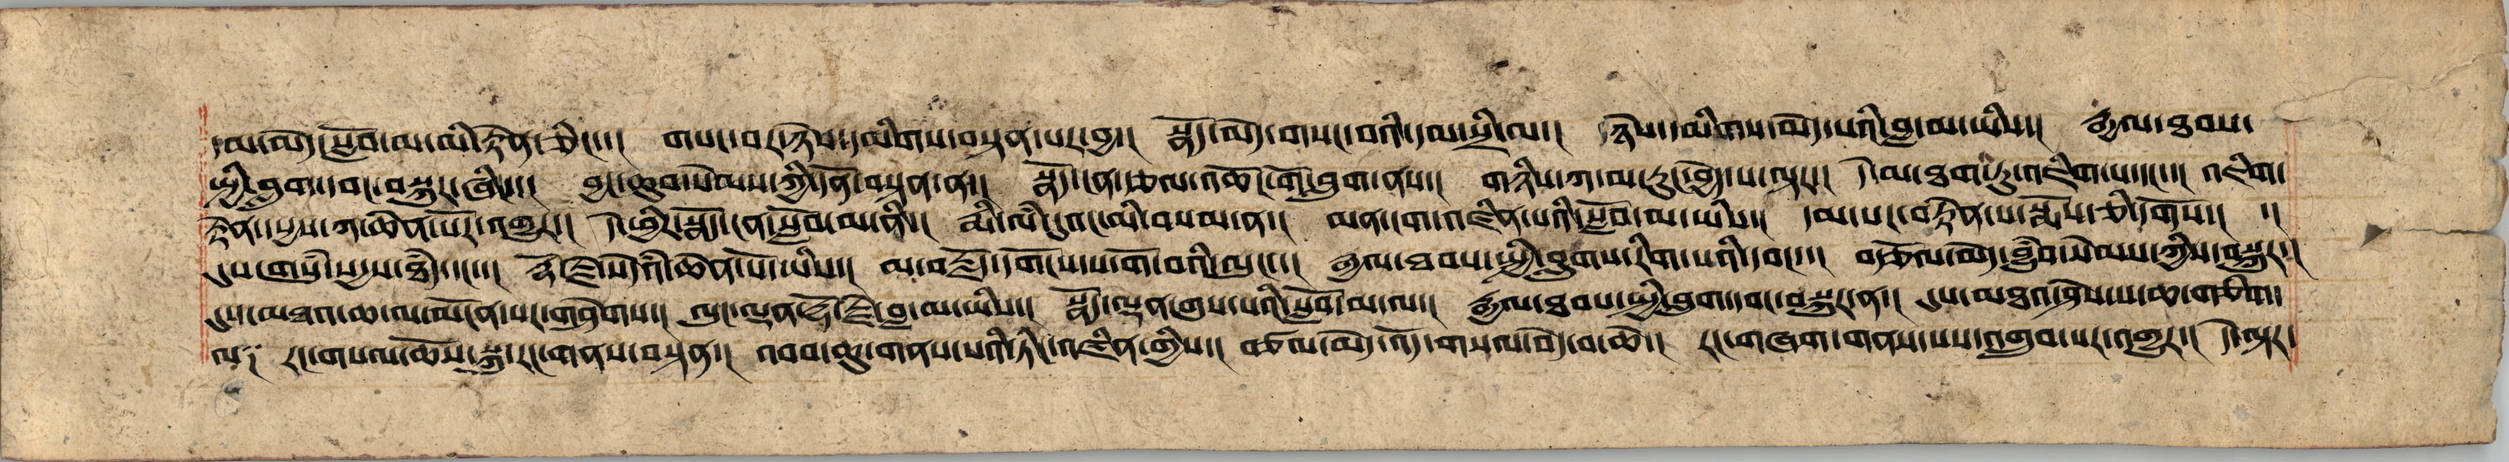དམ་མེད་སློབ་མ་མི་རྟེན་ཅིང་་། གསང་བར་ཉེས་དམིགས་བསྟན་པར་བྱ་། སྣོད་མེད་གསང་བའི་དམ་སྲི་ལ་། ཉེས་དམིགས་མེད་པའི་བླ་མ་ཡིས་། རྒྱལ་ཐབས་
སྤྱི་བླུག་དབང་བསྐུར་ཞིང་་། བྱང་ཆུབ་སེམས་ཀྱི་དོན་བསྟན་ན་། སྣོད་ངན་རྩལ་འཆོར་གོ་བླུག་ནས་། གཉིས་ཀ་མ་རུང་བྱེད་པ་ལྟར་། དེ་མ་ཐག་ཏུ་འཇིག་པ་དང་་། འཇིག་
རྟེན་དཔྱས་ཀ་ཆེན་པོར་འགྱུར་། དེ་ཕྱིར་སྣོད་ངན་སློབ་མ་ནི་། རྨི་ལཾ་དུའང་མི་བསམ་ན་། མན་ངག་འཛིན་པའི་སློབ་མ་ཡིས་། དམ་པར་བརྟེན་པ་སྨོས་ཅི་དགོས་། ་།
དུས་གསུཾ་སདྱས་ཐཾད་དང་་། རྡོ་རྗེ་སེདཾའ་ཆེན་པོ་ཡིས་། མ་བརྗོད་དགོངས་པ་གོ་བའི་ལུང་་། རྒྱལ་ཐབས་སྤྱི་བླུགས་རིག་པའི་དབང་་། བརྩོལ་མེད་བྱུཾབ་སེམས་ཀྱིས་བསྐུར་།
དུས་མཐའ་ཆ་མ་མངོན་པར་གཤེགས་། ལུང་ལྡན་རྡོ་རྗེ་བླ་མ་ཡིས་། སྣོད་ལྡན་གུས་པའི་སློབ་མ་ལ་། རྒྱལ་ཐབས་སྤྱི་བླུག་དབང་བསྐུར་ན་། དུས་མཐའ་ཤེས་པ་ཆ་གཅིག་
ལ༑ རང་གསལ་ཆོས་སྐུ་རང་གནས་བསྟན་། འབབ་ཆུ་གནས་པའི་ཏིང་འཛིན་གྱིས་། བཙལ་མེད་འོད་གསལ་བདེ་བ་ཆེ་། རང་གཞག་གནས་པས་འགྲུབ་པར་འགྱུར་། དེ་ལྟར་